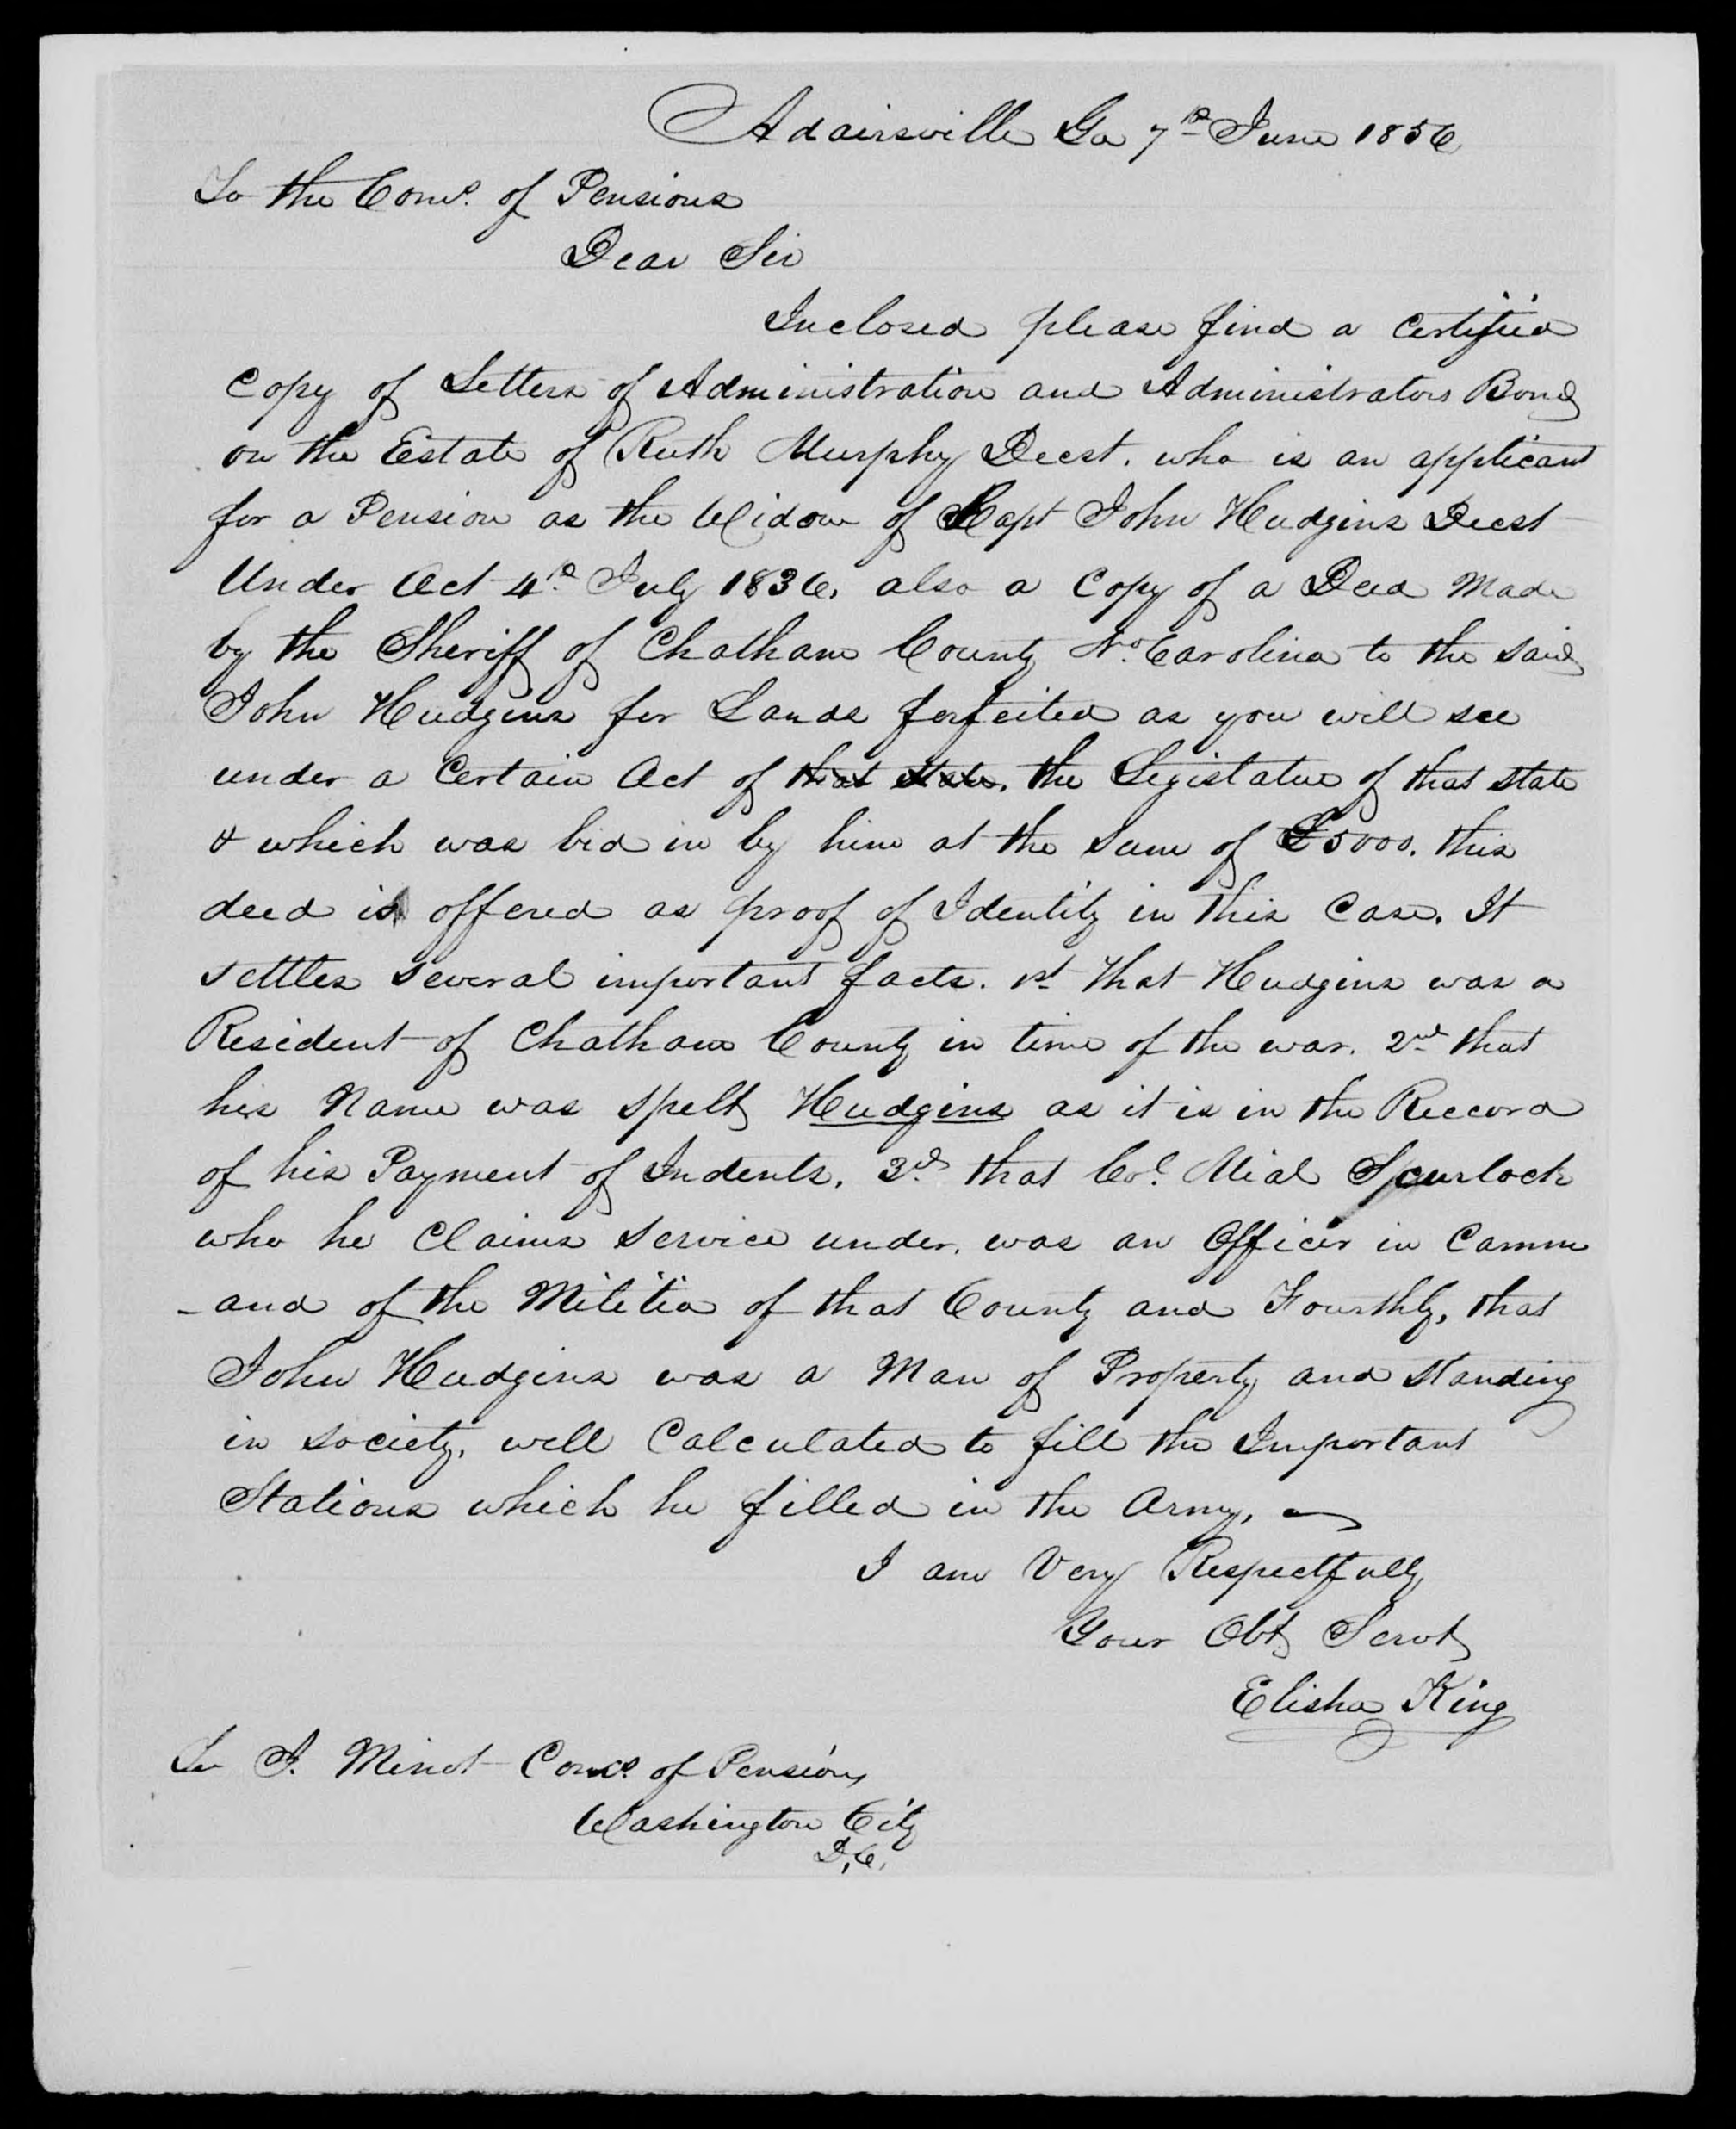Adairsville Ga 7th June 1856
To the Court of Pensions

Dear Sir
Enclosed please find a certificate copy of letters of Administration and Administrators Bond on the Estate of Ruth Murphy Decst, who is an applicant for a Pension as the widow of Capt John Hudgins Decst under Act 4th July 1836, also a Copy of a Deed made by the Sheriff of Chatham County No. Carolina to the said Hohn Hudgins for lands forfeited as you will see under a certain Act of that state, the legislature of that state & which was bid in by him at the sum of L 5000. This deed is offered as proof of identity in this case. It settles several important facts 1st. That Hudgins was a Resident of Chatham County in time of the war. 2nd that his name was spelt Hudgins as it is in the Record of his payment of Indents. 3rd that Colonial Spurloch who he claims service under was an officer in Command and of the militia of that county and Fourthly, that John Hudgins was a man of property and landing in society, well calculated to fill the important stations which he filled in the army. -
I am very Respectfully
Your Obj Serv
Elisha King

Hon J. Minor - Court of Pensions
Washington City
D.C.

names: Ruth Murphy, Mial Scurlock, Elisha King, John Hudgins, J Minot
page: 107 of 108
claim: rejected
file: R. 7,515, John Hudgins, N.C.